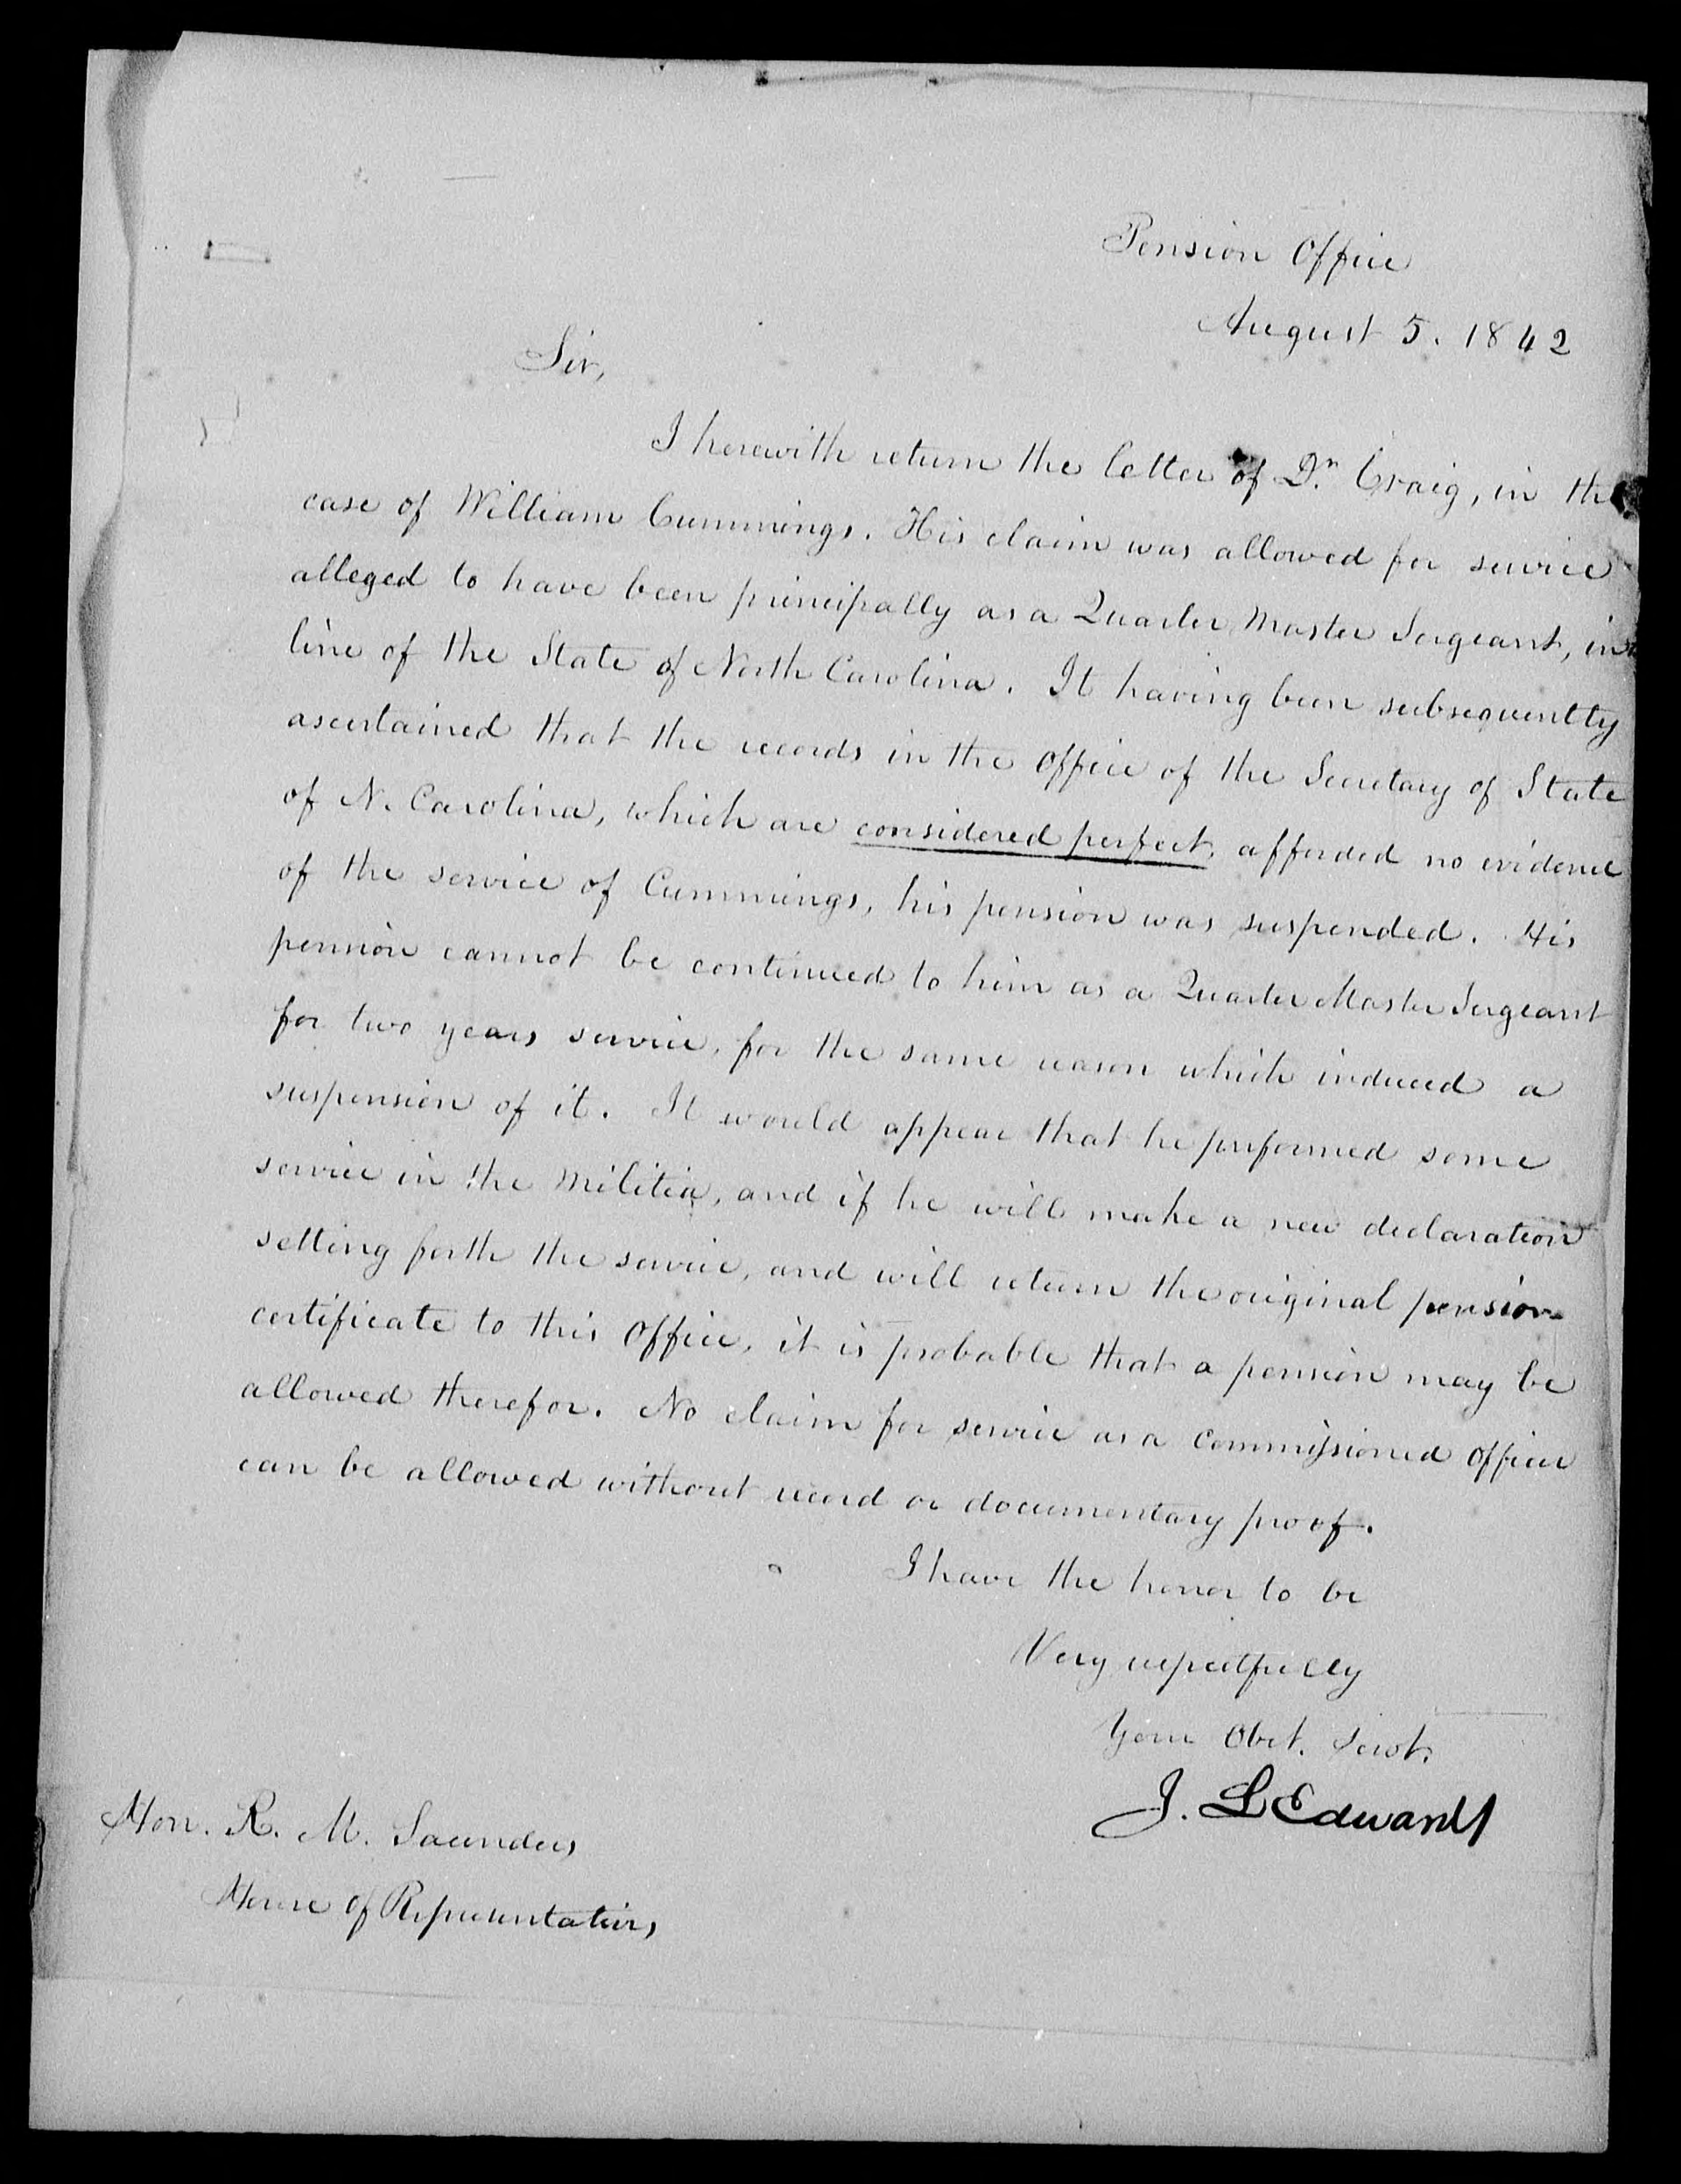[Handwritten letter.  Occasional spacing has been included, to make the long text block easier to read.]

Pension Office
August 5. 1842

Sir,
I herewith return the letter of Dr. Craig, in the case of William Cummings.  His claim was allowed for service alleged to have been principally as a Quarter Master Sergeant, in [here is the page edge, and it's hard to tell if another word originally was written beyond, which may not be visible now] line of the State of North Carolina. 

It having been subsequently ascertained that the records in the Office of the Secretary of State of N. Carolina, which are [the following two words are underlined] considered perfect, afforded no evidence of the service of Cummings, his pension was suspended.  His pension cannot be continued to him as a Quarter Master Seargeant for two years service, for the same reason which induced a suspension of it. 

It would appear that he performed some service in the Militia, and if he will make a new declaration setting forth the service, and will return the original pension certificate to this Office, it is probable that a pension may be allowed therefor [therefore.]  No claim for service as a Commissioned Officer can be allowed without record or documentary proof.

I have the honor to be 
Very respectfully
Your Obet. Servt. [Your Obedient Servant]
[Signature in dark ink] J. L Edwards

Hon. R. M. Saunders
House of Representatives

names: Craig, Cummings, William Cummings, J L Edwards, R M Saunders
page: 71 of 145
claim: survivor's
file: S. 8265, William Cumming, N.C.